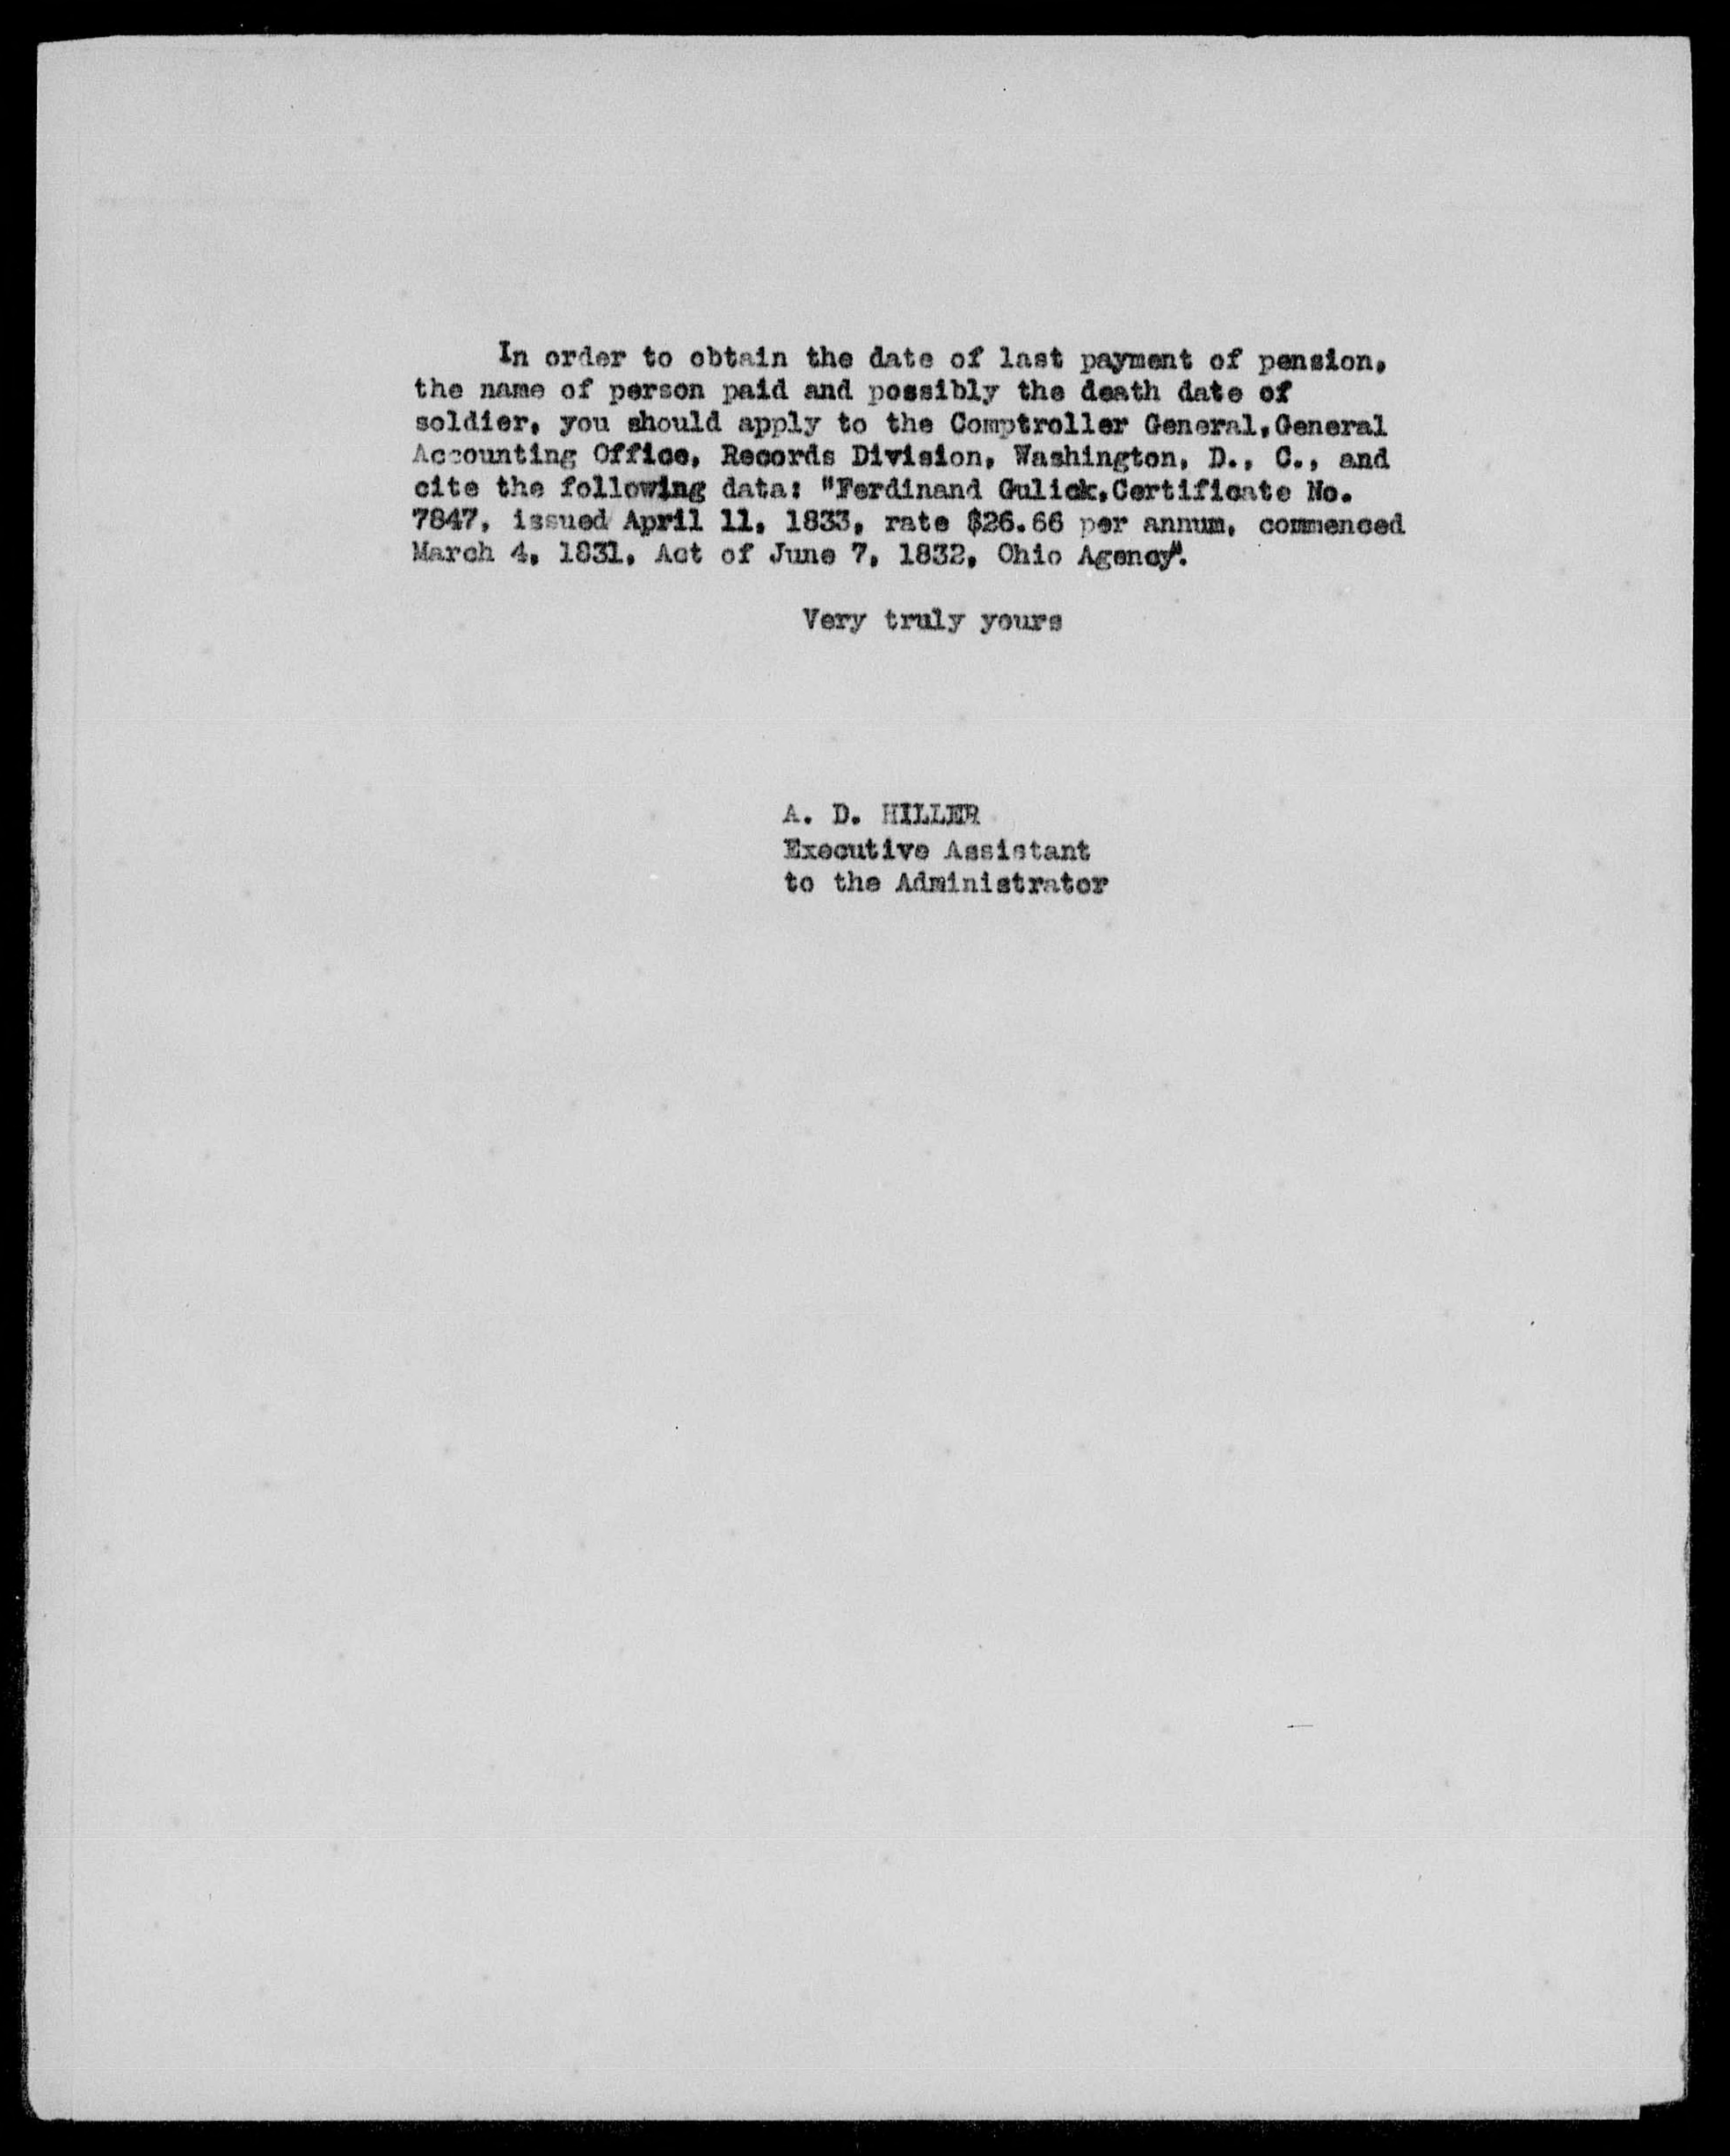In order to obtain the date of last payment of pension, the name of person paid and possibly the death date of soldier, you should apply to the Comptroller General, General Accounting Office, Records Division, Washington D., C., and cite the following data: "Ferdinand Gulick, Certificate No. 7847, issued April 11, 1833, rate $26.66 per annum, commenced March 4, 1831, Act of June 7, 1832, Ohio Agency".

Very truly yours

A.D. HILLER
Executive Assistant
to the Administrator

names: A D Hiller, Ferdinand Gulick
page: 13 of 21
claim: survivor's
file: S. 2586, Ferdinand Gulick, New Jersey Va.